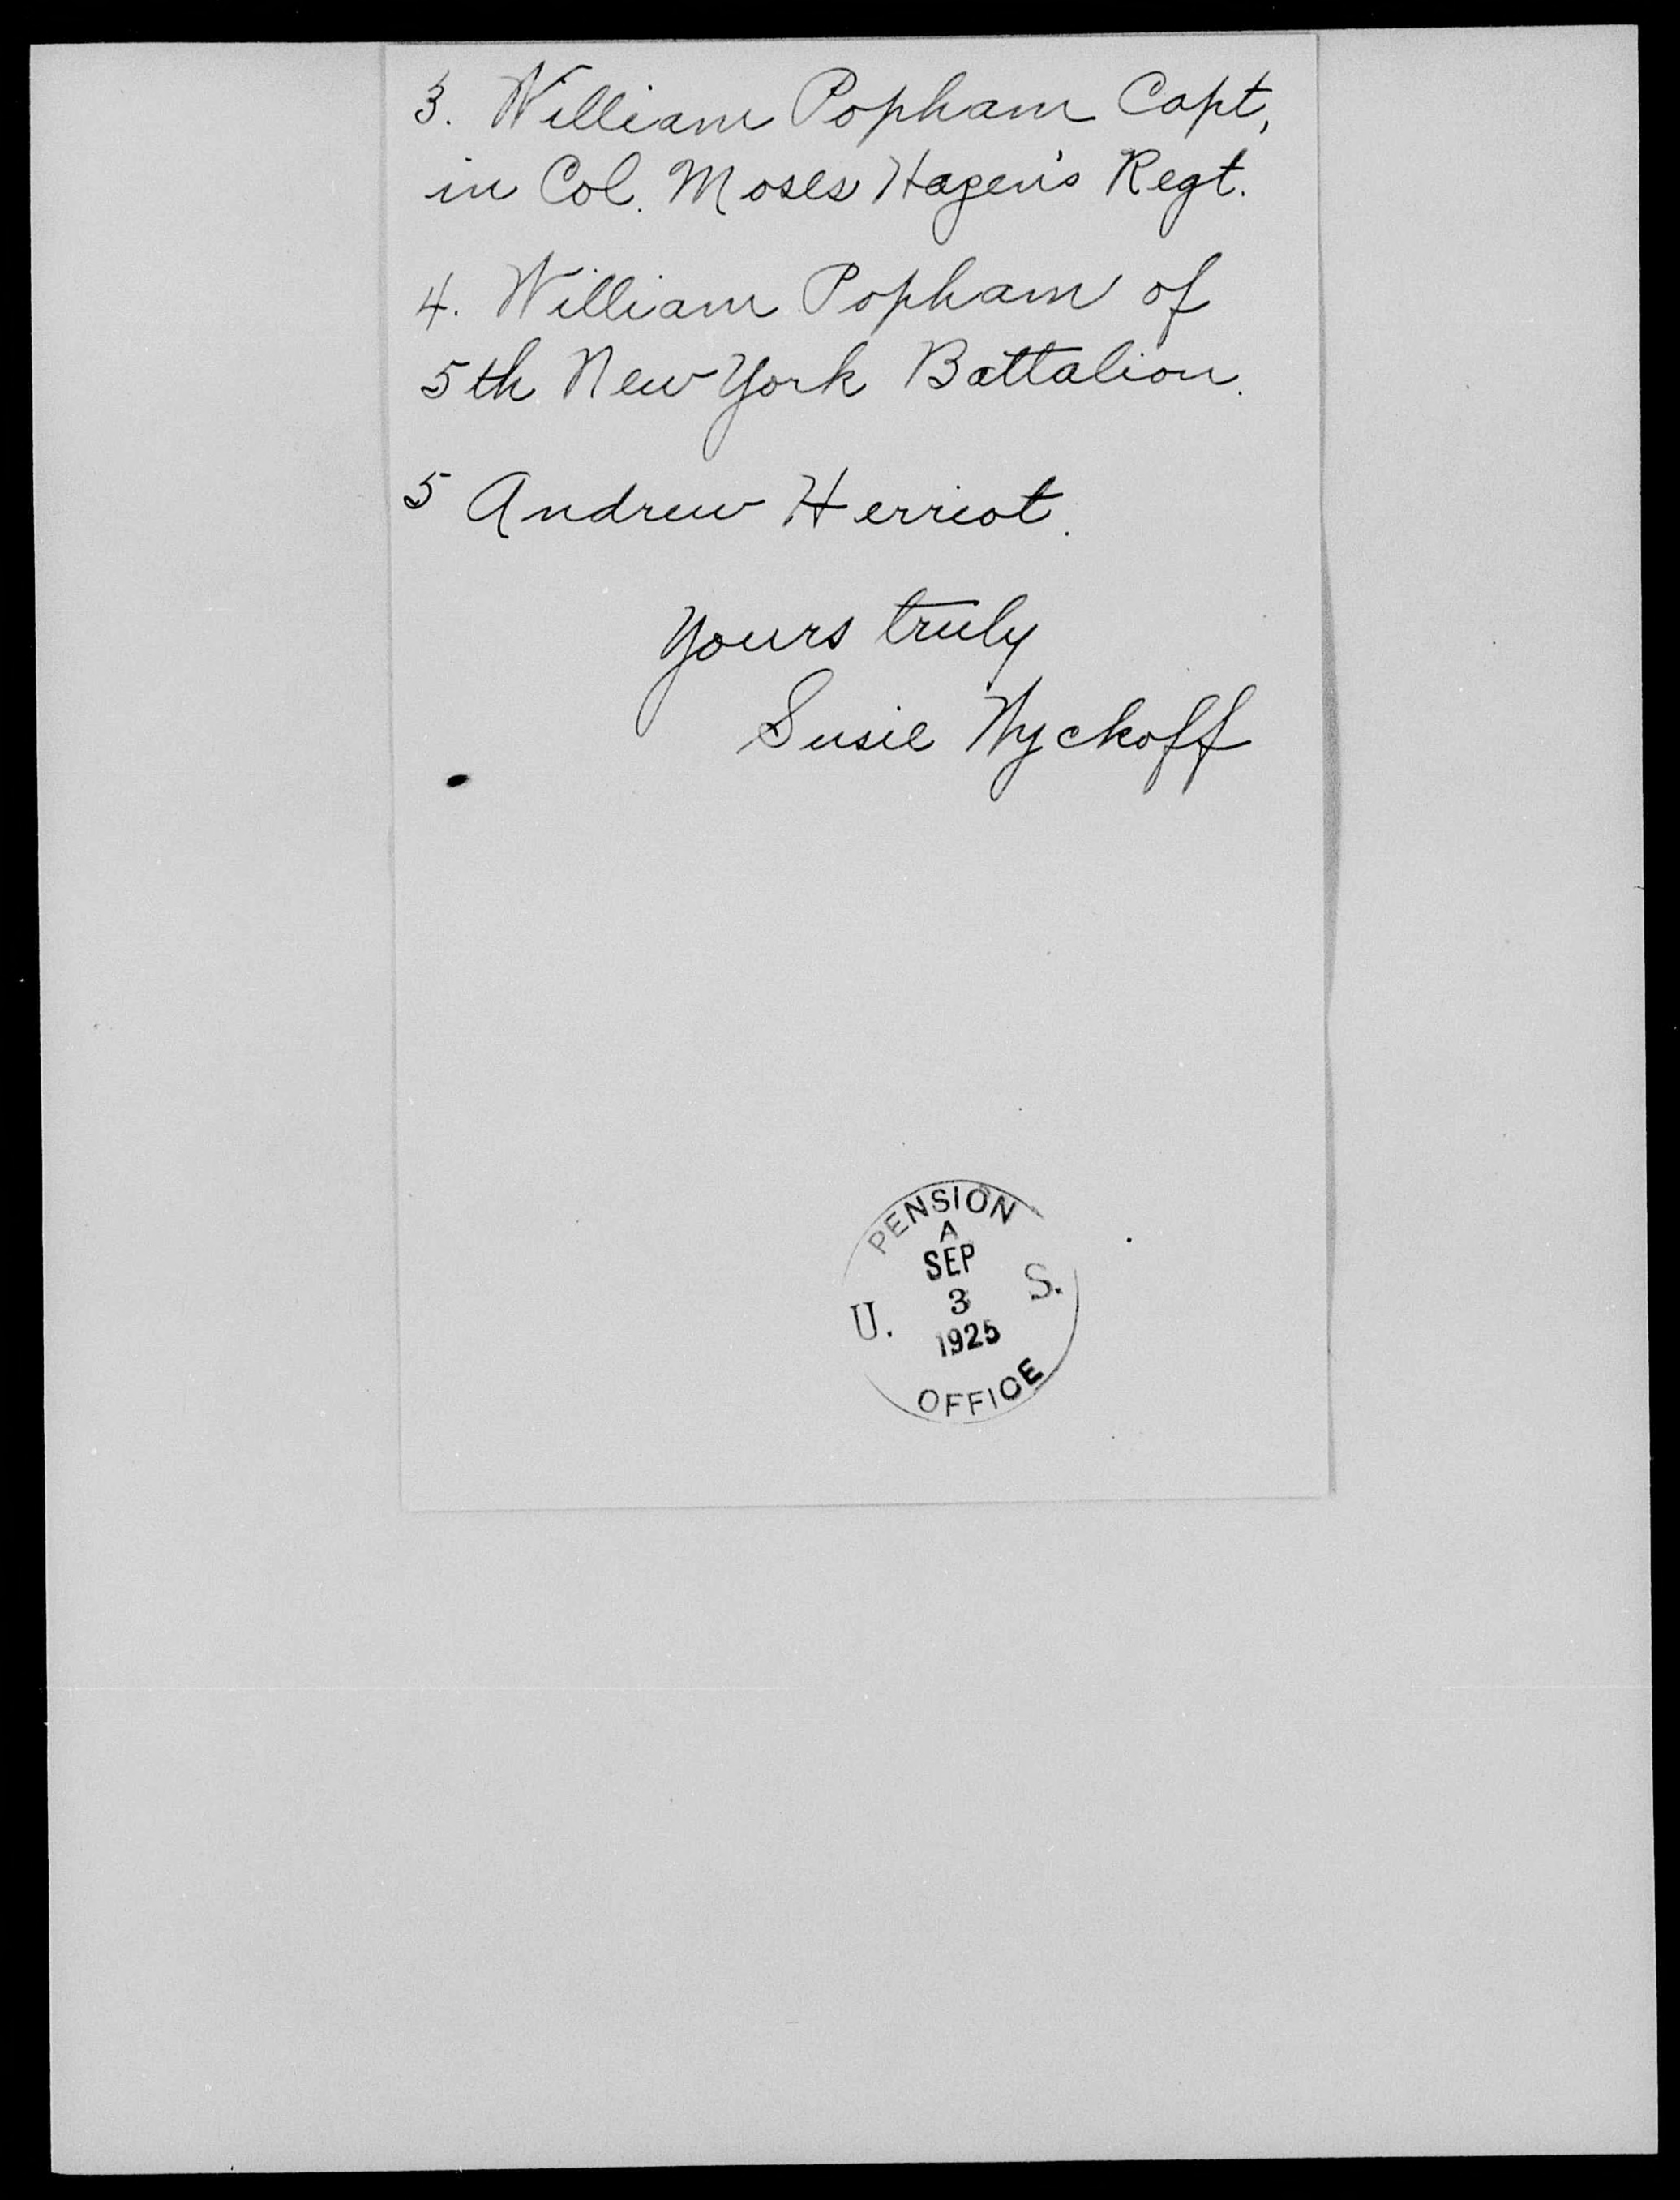3.
William Popham Capt
in Col. Moses Hazen's Regt.
4. William Popham of
5th New York Battalion
5 Andrew Herriot.

Yours truly
Susie Wyckoff
[Black Stamp] PENSION OFFICE U.S. A SEP 3 1925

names: Susie Wyckoff; William Popham; Andrew Herriot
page: 10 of 75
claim: survivor's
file: S. 9989, for William Popham, Delaware